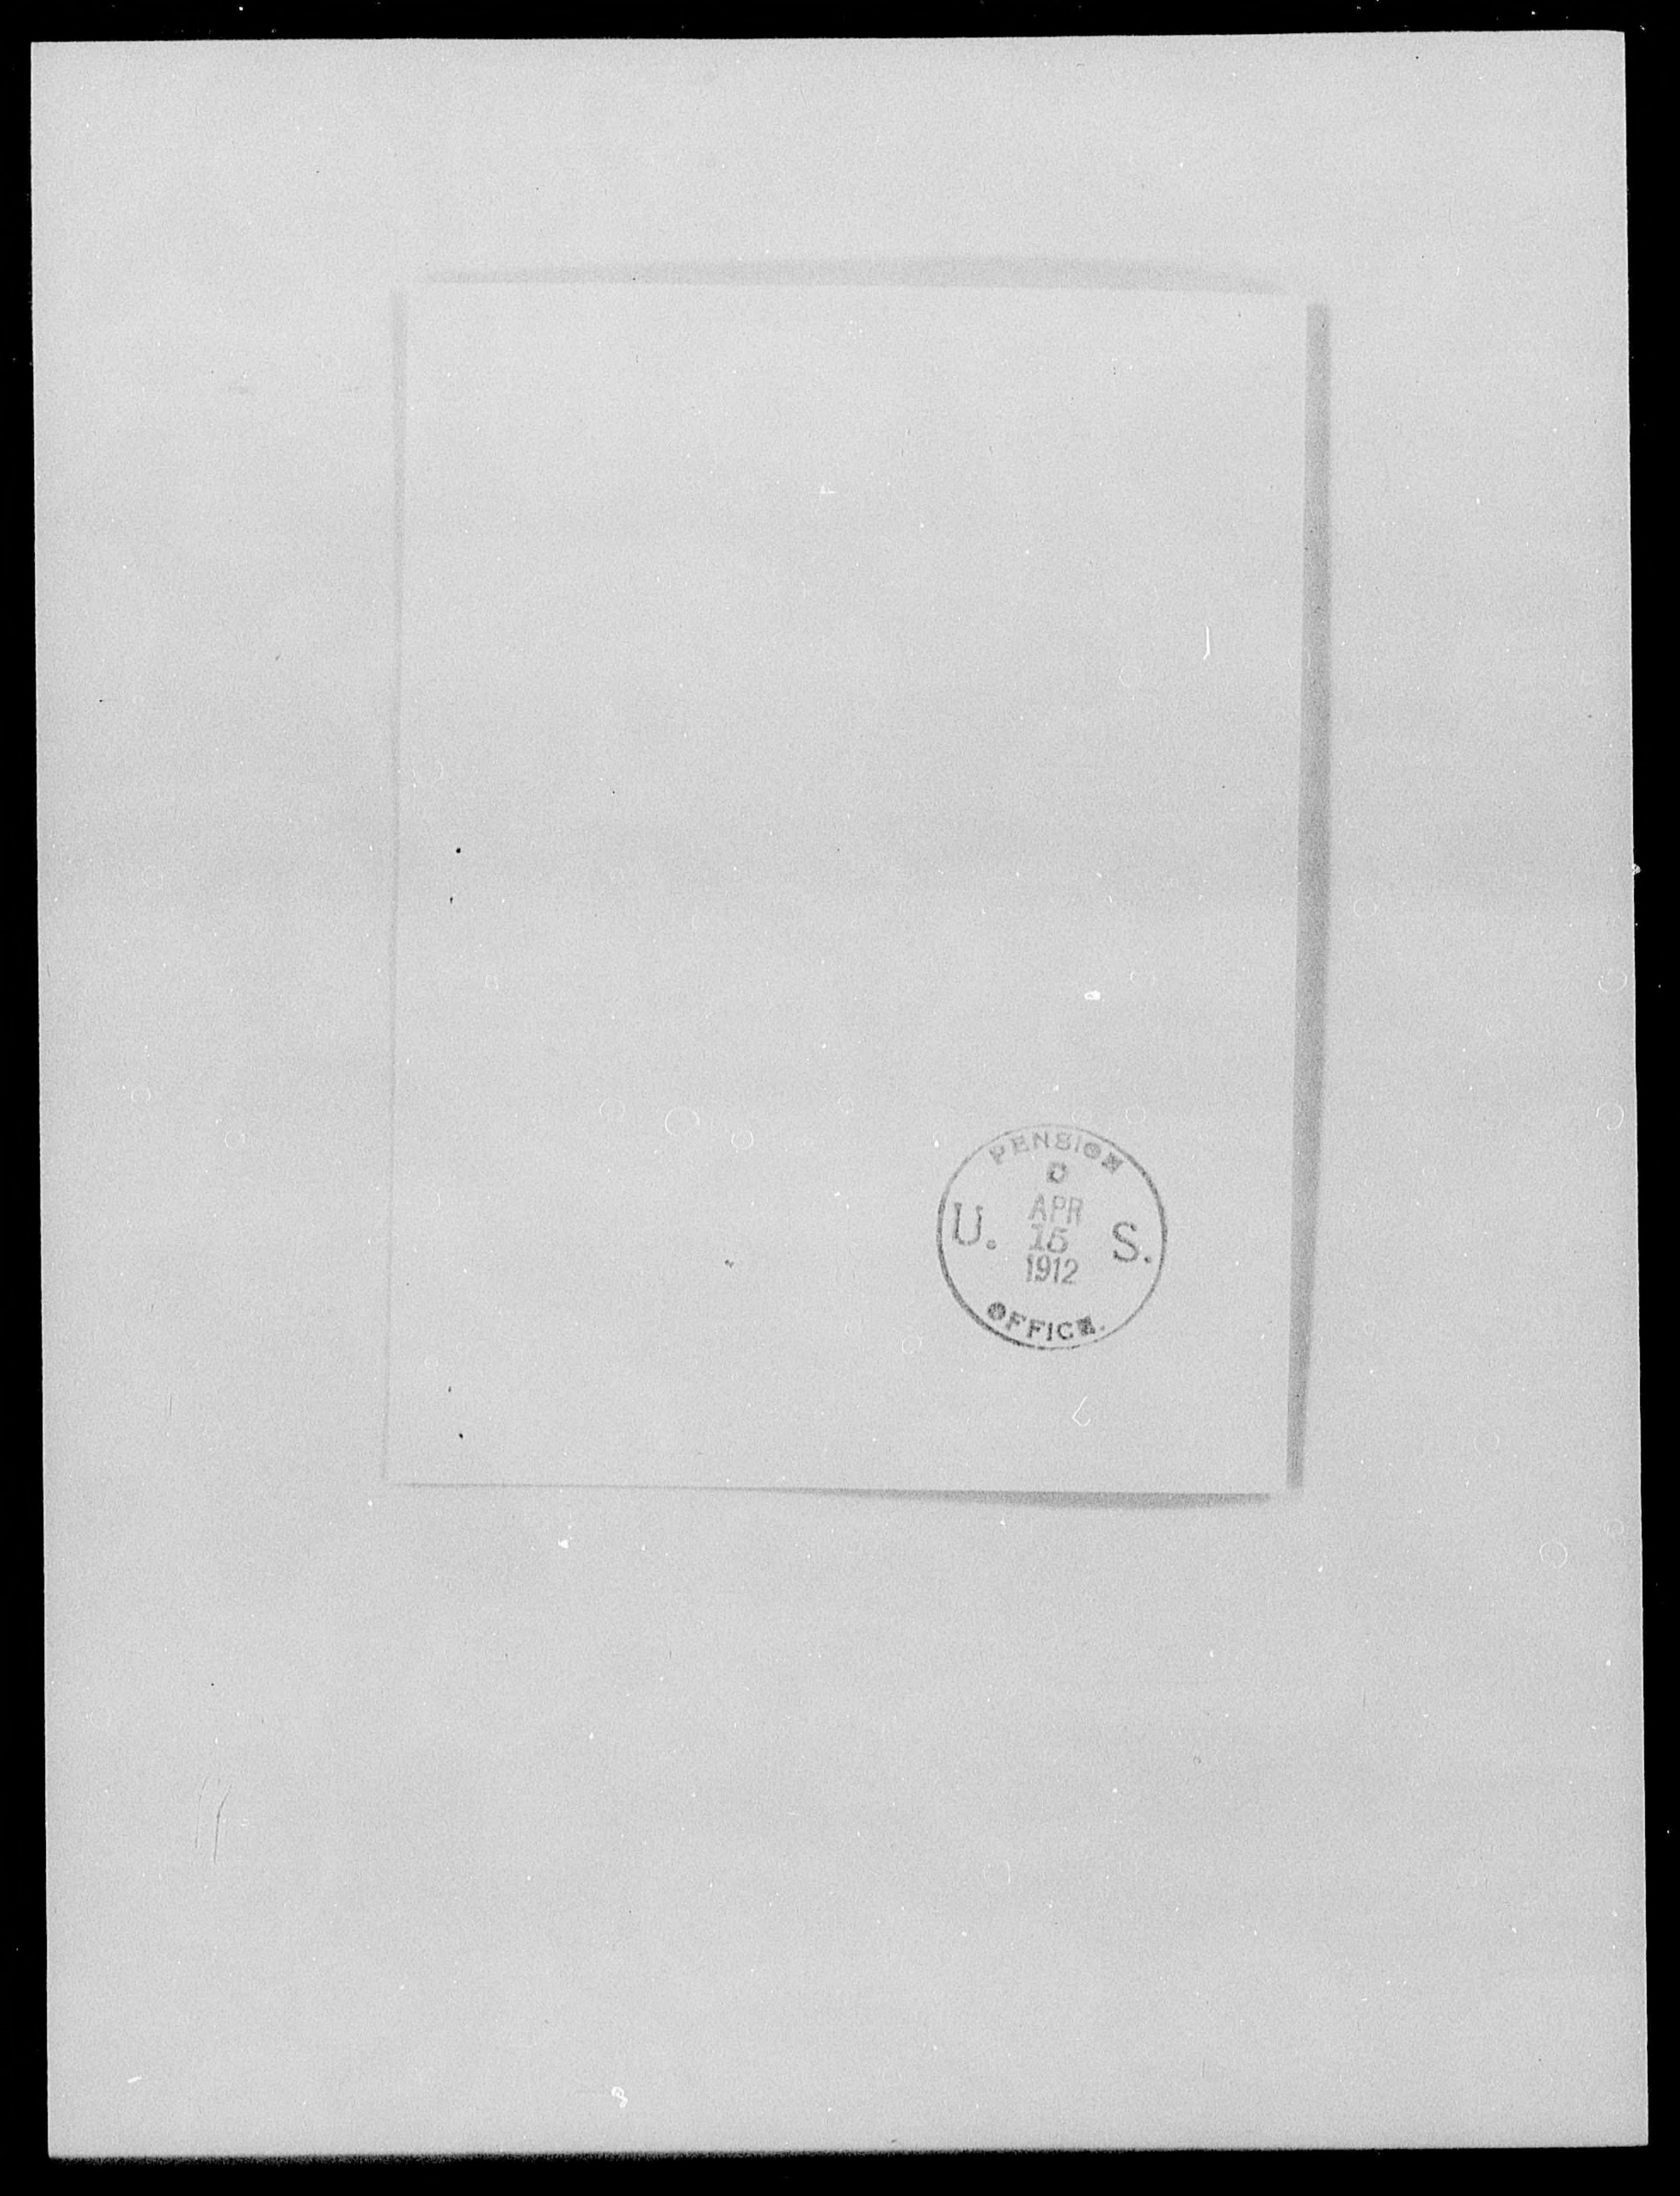Page 17

[black stamp] U.S. PENSION OFFICE APR 15 1912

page: 17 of 25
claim: survivor's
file: S 38116, for Henry Key, Virginia